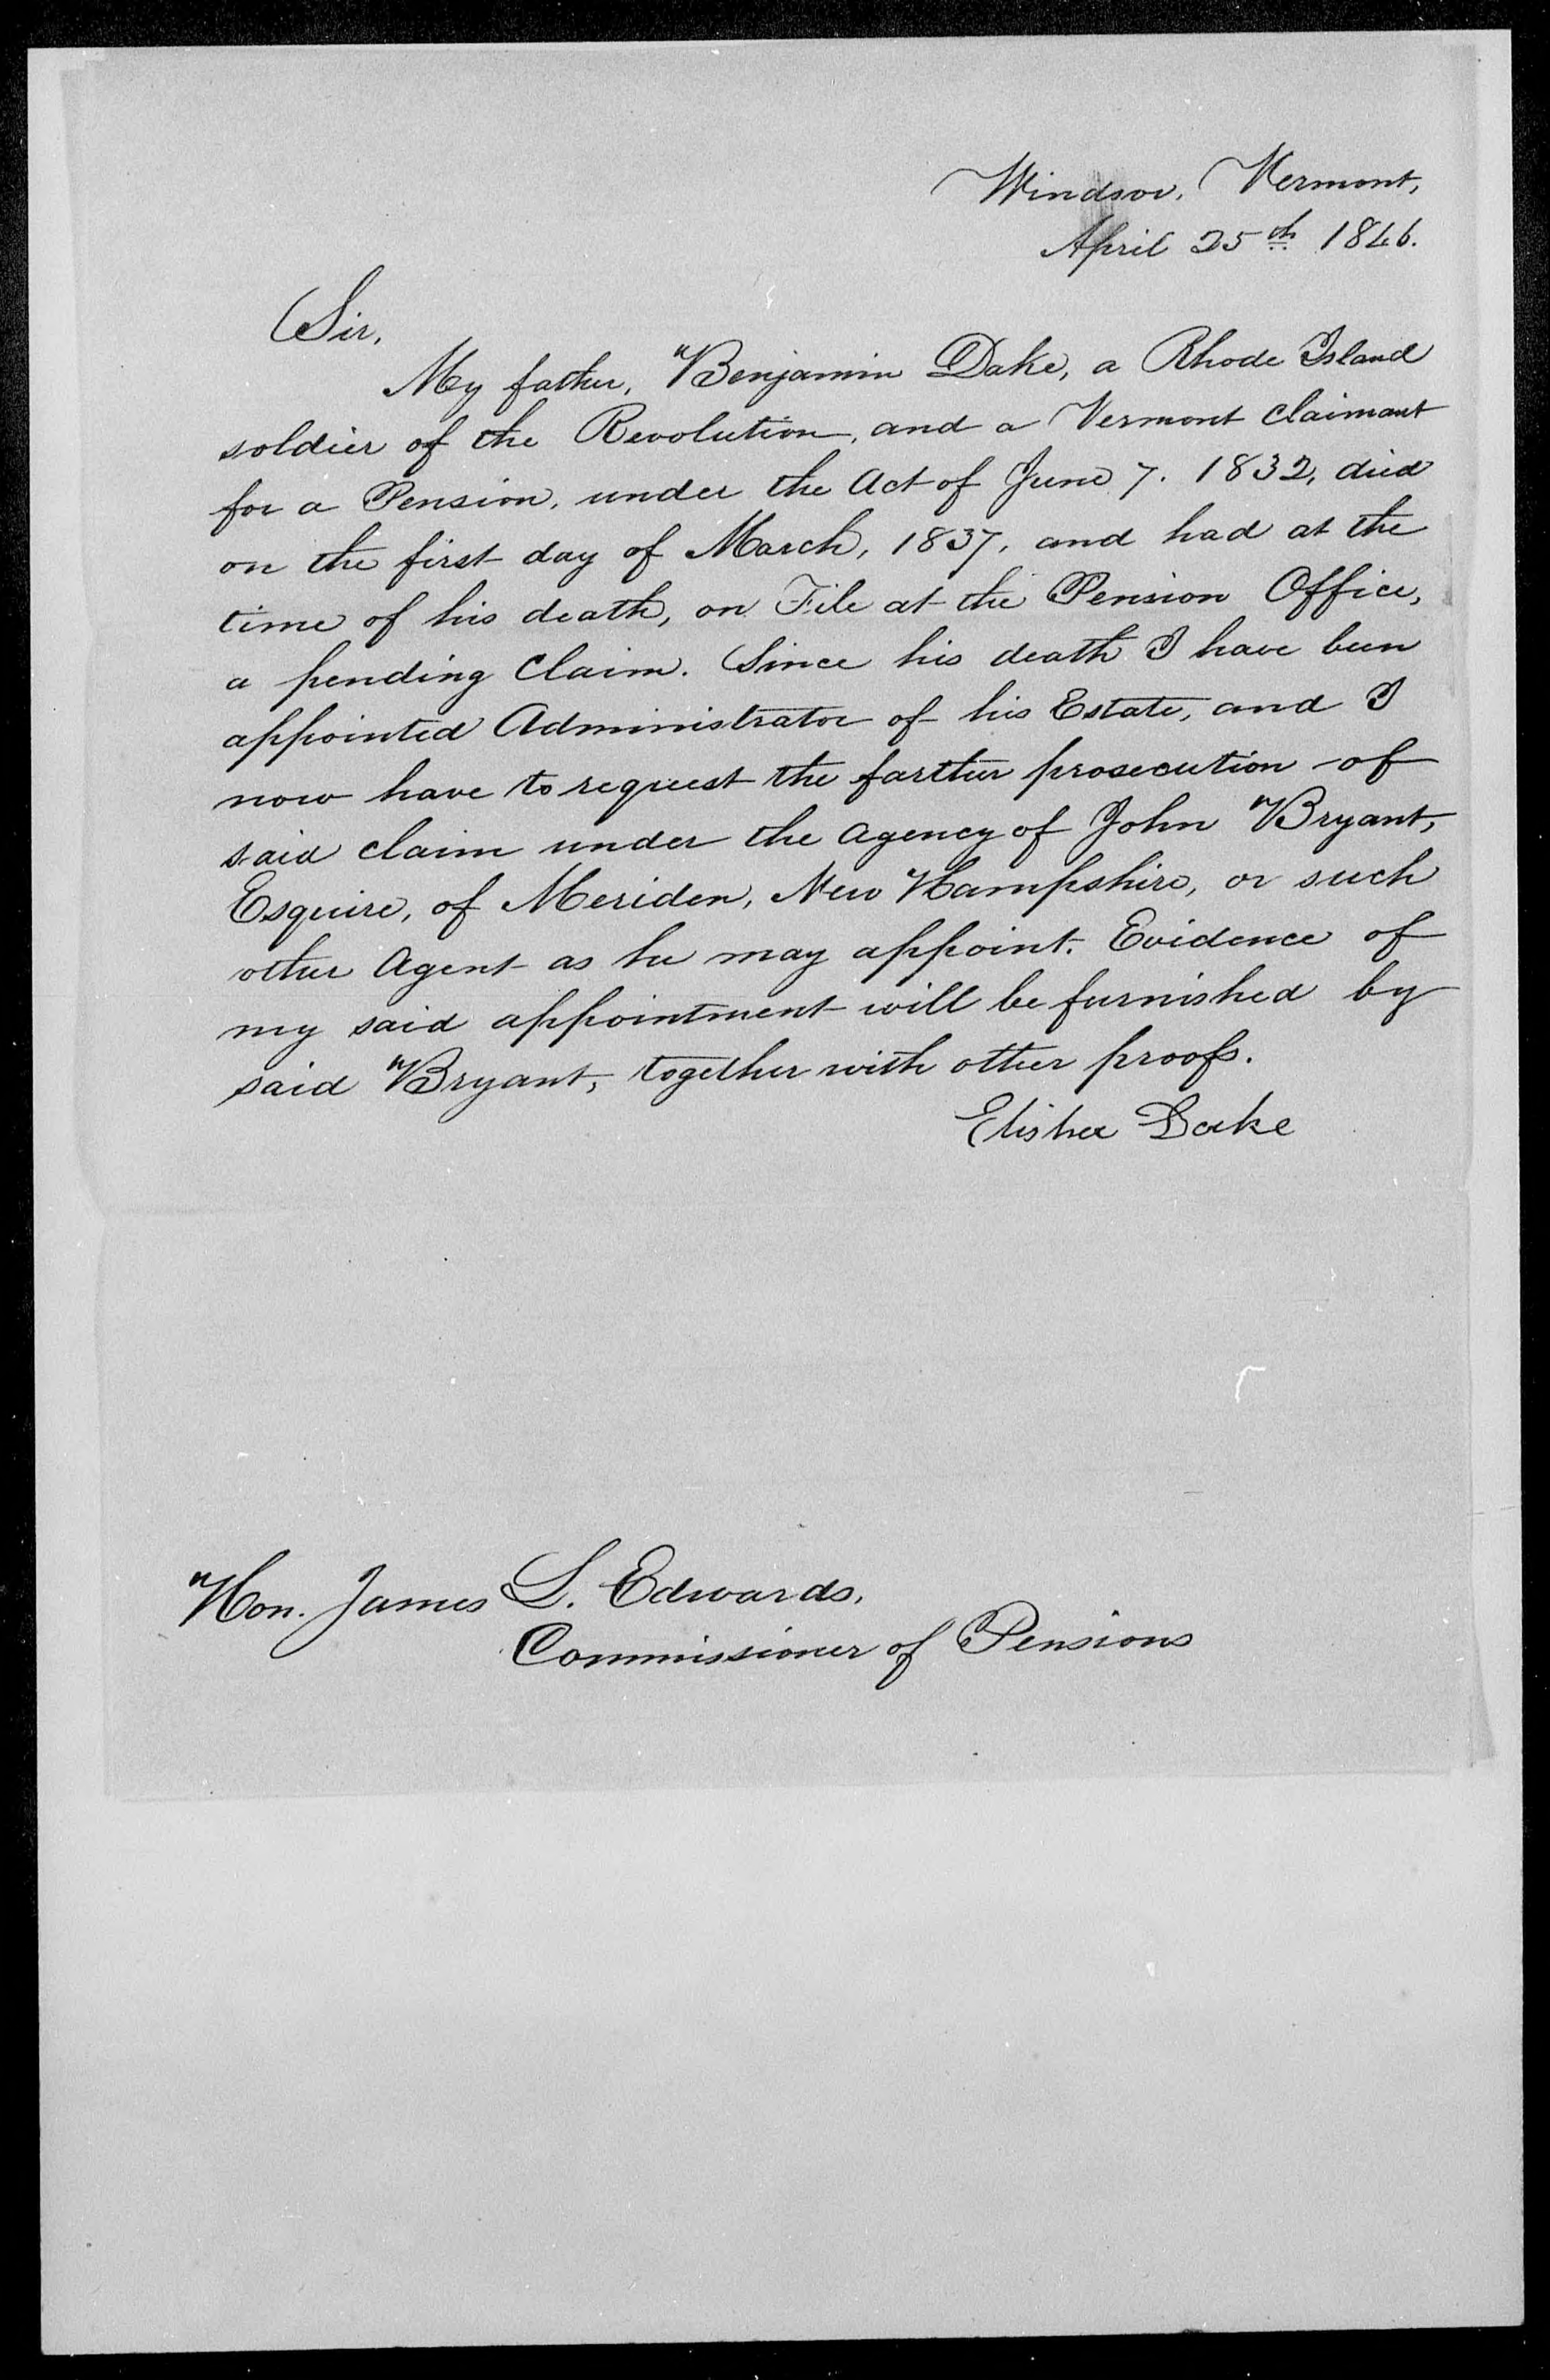Windsor, Vermont April 25th, 1846
Sir, My father, Benjamin Dake, a Rhode Island soldier of the Revolution, and a Vermont claimant for a Pension, under the act of June 7, 1832, died on the first day of March 1837, and had at the time of his death, on file at the pension office, a pending claim. Since his death I have been appointed administrator of his estate, and I now have to request the further prosecution of said claim under the agency of John Bryant, Esquire of Meriden, New Hampshire, or such other agent as he may appoint. Evidence of my said appointment will be furnished by said Bryant together with other proofs. Elisha Dake 
Hon James L Edwards Commissioner of Pensions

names: James L Edwards, Elisha Dake, Benjamin Dake, Bryant, John Bryant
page: 10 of 42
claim: rejected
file: R. 2,625, Benjamin Dake, R.I.